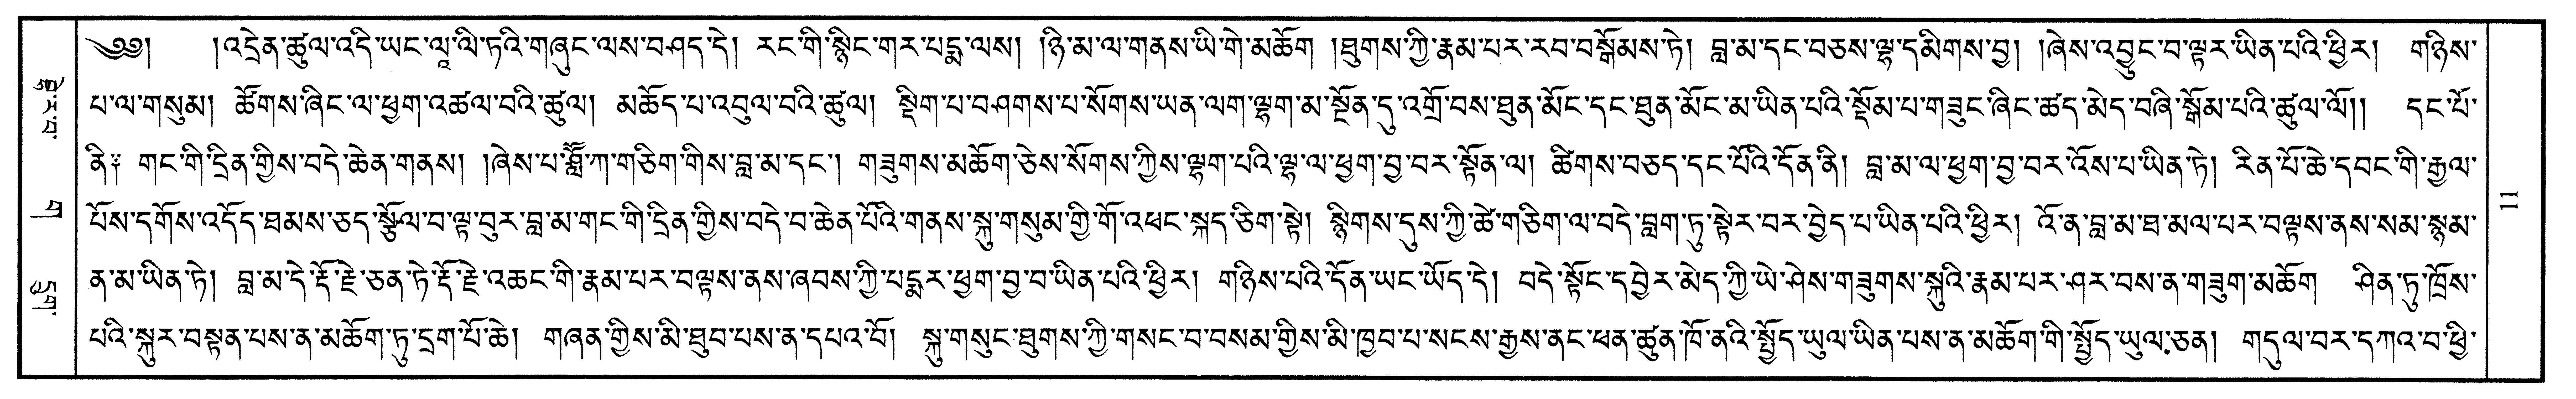༄༅། །འདྲེན་ཚུལ་འདི་ཡང་ལཱ་ལི་ཏའི་གཞུང་ལས་བཤད་དེ། རང་གི་སྙིང་གར་པདམ་ལས། །ཉི་མ་ལ་གནས་ཡི་གེ་མཆོག །ཐུགས་ཀྱི་རྣམ་པར་རབ་བསྒོམས་ཏེ། བླ་མ་དང་བཅས་ལྷ་དམིགས་བྱ། །ཞེས་འབྱུང་བ་ལྟར་ཡིན་པའི་ཕྱིར། གཉིས་
པ་ལ་གསུམ། ཚོགས་ཞིང་ལ་ཕྱག་འཚལ་བའི་ཚུལ། མཆོད་པ་འབུལ་བའི་ཚུལ། སྡིག་པ་བཤགས་པ་སོགས་ཡན་ལག་ལྷག་མ་སྔོན་དུ་འགྲོ་བས་ཐུན་མོང་དང་ཐུན་མོང་མ་ཡིན་པའི་སྡོམ་པ་གཟུང་ཞིང་ཚད་མེད་བཞི་སྒོམ་པའི་ཚུལ་ལོ།། དང་པོ་
ནི༑ གང་གི་དྲིན་གྱིས་བདེ་ཆེན་གནས། །ཞེས་པ་ཤླཽ་ཀ་གཅིག་གིས་བླ་མ་དང་། གཟུགས་མཆོག་ཅེས་སོགས་ཀྱིས་ལྷག་པའི་ལྷ་ལ་ཕྱག་བྱ་བར་སྟོན་ལ། ཚིགས་བཅད་དང་པོའི་དོན་ནི། བླ་མ་ལ་ཕྱག་བྱ་བར་འོས་པ་ཡིན་ཏེ། རིན་པོ་ཆེ་དབང་གི་རྒྱལ་
པོས་དགོས་འདོད་ཐམས་ཅད་སྩོལ་བ་ལྟ་བུར་བླ་མ་གང་གི་དྲིན་གྱིས་བདེ་བ་ཆེན་པོའི་གནས་སྐུ་གསུམ་གྱི་གོ་འཕང་སྐད་ཅིག་སྟེ། སྙིགས་དུས་ཀྱི་ཚེ་གཅིག་ལ་བདེ་བླག་ཏུ་སྟེར་བར་བྱེད་པ་ཡིན་པའི་ཕྱིར། འོ་ན་བླ་མ་ཐ་མལ་པར་བལྟས་ནས་སམ་སྙམ་
ན་མ་ཡིན་ཏེ། བླ་མ་དེ་རྡོ་རྗེ་ཅན་ཏེ་རྡོ་རྗེ་འཆང་གི་རྣམ་པར་བལྟས་ནས་ཞབས་ཀྱི་པདམར་ཕྱག་བྱ་བ་ཡིན་པའི་ཕྱིར། གཉིས་པའི་དོན་ཡང་ཡོད་དེ། བདེ་སྟོང་དབྱེར་མེད་ཀྱི་ཡེ་ཤེས་གཟུགས་སྐུའི་རྣམ་པར་ཤར་བས་ན་གཟུག་མཆོག །ཤིན་ཏུ་ཁྲོས་
པའི་སྐུར་བསྟན་པས་ན་མཆོག་ཏུ་དྲག་པོ་ཆེ། གཞན་གྱིས་མི་ཐུབ་པས་ན་དཔའ་བོ། སྐུ་གསུང་ཐུགས་ཀྱི་གསང་བ་བསམ་གྱིས་མི་ཁྱབ་པ་སངས་རྒྱས་ནང་ཕན་ཚུན་ཁོ་ནའི་སྤྱོད་ཡུལ་ཡིན་པས་ན་མཆོག་གི་སྤྱོད་ཡུལ་ཅན། གདུལ་བར་དཀའ་བ་ཕྱི་